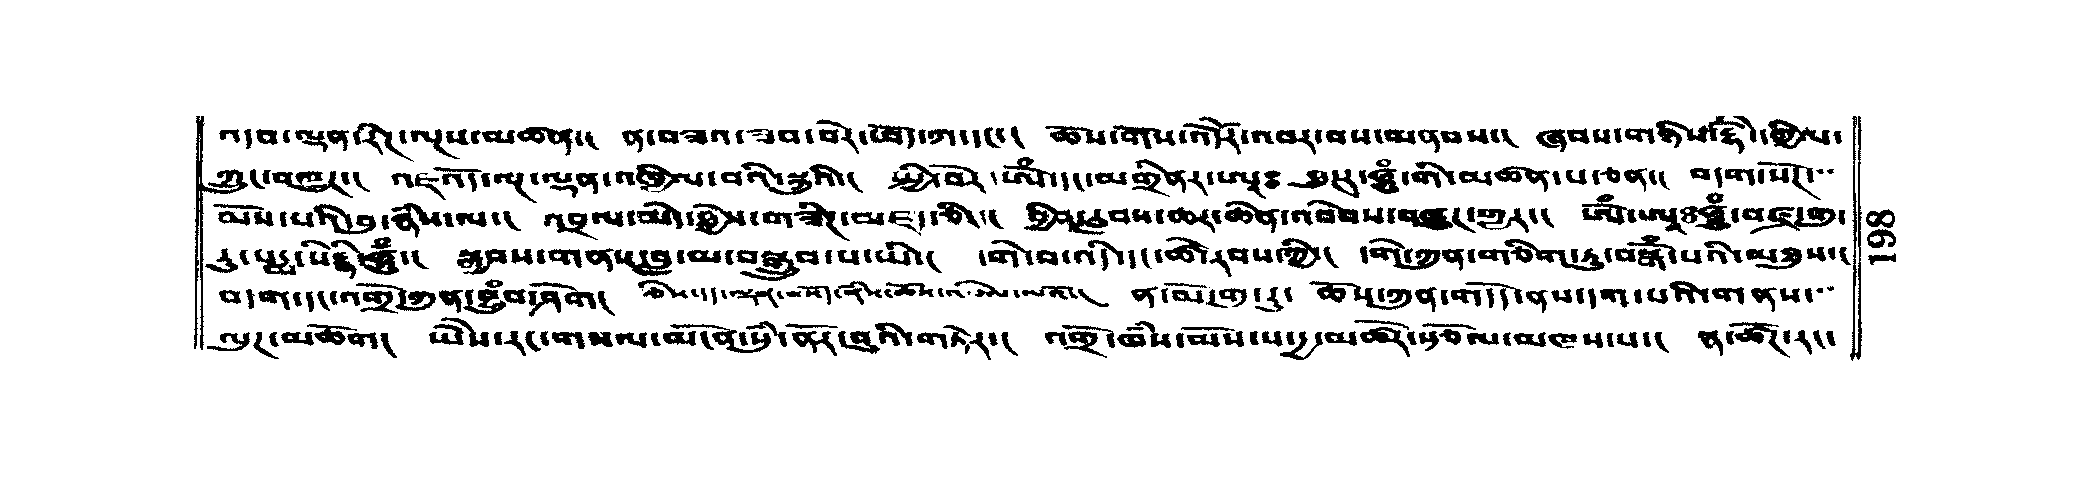འདབ་ལྡན་རིགས་ལྔས་མཚན། །ན་བཟའ་ཟབ་བེར་ཕོད་ཀ་དང་། །ཆོས་གོས་འོད་ཟེར་འབར་བས་མནབས། །ཞབས་གཉིས་རྡོ་རྗེ་དཀྱིལ་
ཀྲུང་བཞུགས། །འཇའ་འོད་ལྔ་ལྡན་འཁྱིལ་བའི་སྐུའི། །སྤྱི་བོར་ཨོཾ་དང་མགྲིན་པར་ཨཱཿ །ཐུགས་ཀར་ཧཱུྃ་གི་མཚན་པ་ཅན། །བདག་སོགས་
མོས་པའི་བུ་རྣམས་ལ། །འབྲལ་མེད་ཐུགས་རྗེས་གཟིགས་མཛད་ཅིང་། །བྱིན་རླབས་ཆར་ཆེན་འབེབས་བཞུགས་གྱུར། ཨོཾ་ཨཱཿཧཱུྃ་བཛྲ་གུ་
རུ་པདྨ་སིདྡྷི་ཧཱུྃ། སྐྱབས་གནས་བླ་མ་བསྒྲུབས་པ་ཡི། །དགེ་བ་འདི་དང་ཚེ་རབས་ཀྱི། །དགེ་ཀུན་གཅིག་ཏུ་བསྡོམས་པའི་མཐུས། །
བདག་དང་འགྲོ་ཀུན་བྱང་ཆུབ་ཤོག ཅེས་དད་ལྡན་བསོད་ནམས་ཆོས་འཕེལ་ལའོ།། ན་མོ་གུ་རུ། ཆོས་ཀུན་གདོད་ནས་
དག་པའི་གནས་ལུགས་མཆོག །ཡེ་ཤེས་རང་གསལ་མངོན་སུམ་ནོར་བུའི་གཏེར། །འགྲོ་ཁམས་མོས་པ་རྒྱ་མཚོར་སྩོལ་མཁས་པ། །སྣ་ཚོགས་རང་